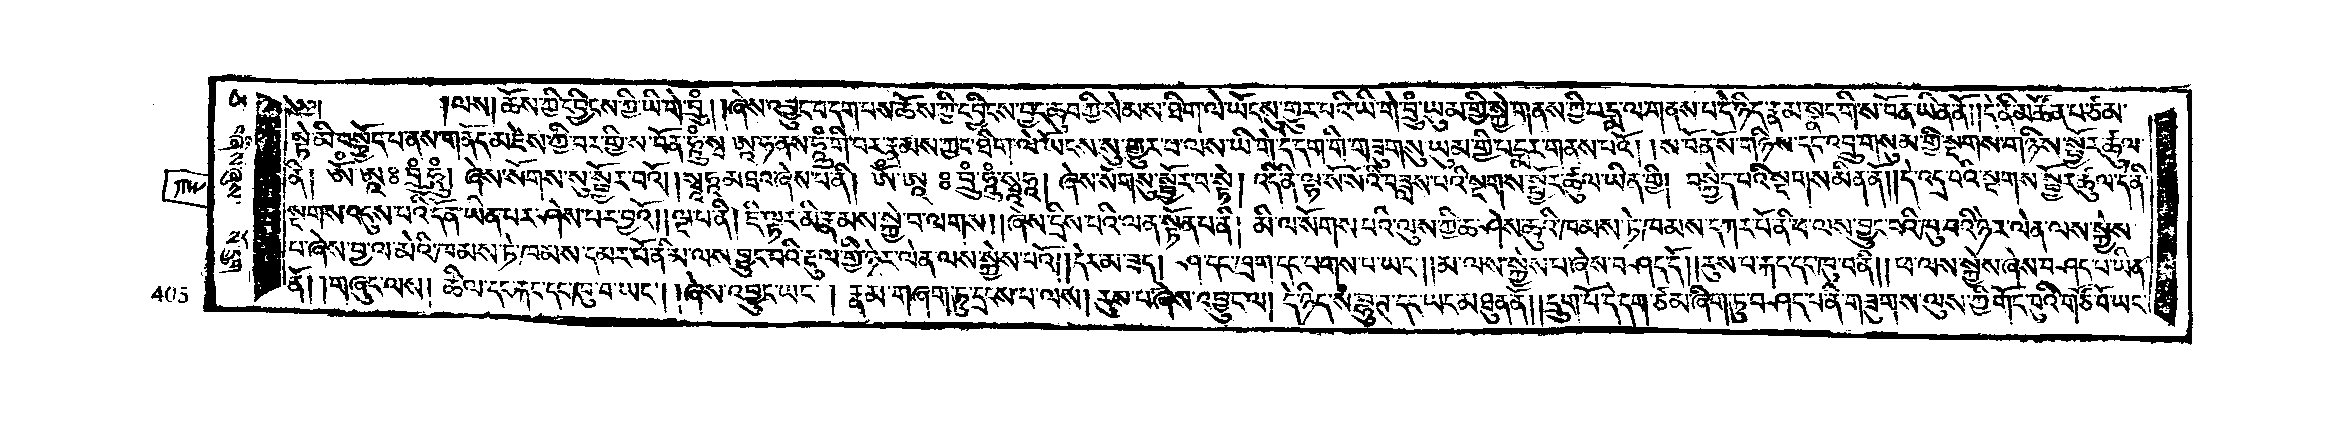༄༅། །ལས། ཆོས་ཀྱི་དབྱིངས་ཀྱི་ཡི་གེ་བྲུཾ། །ཞེས་འབྱུང་བ་དག་པས་ཆོས་ཀྱི་དབྱིངས་བྱང་ཆུབ་ཀྱི་སེམས་ཐིག་ལེ་ཡོངས་སུ་གྱུར་པའི་ཡི་གེ་བྲུཾ་ཡུམ་གྱི་སྐྱེ་གནས་ཀྱི་པདམ་ལ་གནས་པ་དེ་ཉིད་རྣམ་སྣང་གི་ས་བོན་ཡིན་ནོ། །དེ་ནི་མཚོན་པ་ཙམ་
སྟེ་མི་བསྐྱོད་པ་ནས་གནོད་མཛེས་ཀྱི་བར་གྱི་ས་བོན་ཧཱུཾ་སྭ་ཨཱ་ཧ་ནས་ཧཱུཾ་གི་བར་རྣམས་ཀྱང་ཐིག་ལེ་ཡོངས་སུ་གྱུར་པ་ལས་ཡི་གེ་དེ་དག་གི་གཟུགས་སུ་ཡུམ་གྱི་པདམར་གནས་པའི། །ས་བོན་སོ་གཉིས་དང་འབྲུ་གསུམ་གྱི་སྔགས་གཉིས་སྦྱོར་ཚུལ་
ནི། ཨོཾ་ཨཱཿ བྲུཾ་ཧཱུཾ། ཞེས་སོགས་སུ་སྦྱོར་བའོ། །སྭཱ་ཧཱ་མཐའ་ཞེས་པ་ནི། ཨོཾ་ཨཱཿ བྲུཾ་ཧཱུཾ་སྭཱ་ཧཱ། ཞེས་སོགས་སུ་སྦྱོར་བ་སྟེ། འདི་ནི་ལྷ་སོ་སོའི་བཟླས་པའི་སྔགས་སྦྱོར་ཚུལ་ཡིན་གྱི། བསྐྱེད་པའི་སྔགས་མིན་ནོ། །དེ་འདྲ་བའི་སྔགས་སྦྱོར་ཚུལ་དེ་ནི་
སྔགས་འདུས་པའི་དོན་ཡིན་པར་ཤེས་པར་བྱའོ། །ལྔ་པ་ནི། ཇི་ལྟར་མི་རྣམས་སྐྱེ་བ་ལགས། །ཞེས་དྲིས་པའི་ལན་སྟོན་པ་ནི། མི་ལ་སོགས་པའི་ལུས་ཀྱི་ཆ་ཤས་ཆུའི་ཁམས་ཏེ་ཁམས་དཀར་པོ་ནི་ཕ་ལས་བྱུང་བའི་ཁུ་བའི་ཉེར་ལེན་ལས་སྐྱེས་
པ་ཞེས་བྱ་ལ་མེའི་ཁམས་ཏེ་ཁམས་དམར་པོ་ནི་མ་ལས་བྱུང་བའི་རྡུལ་གྱི་ཉེར་ལེན་ལས་སྐྱེས་པའོ། །དེར་མ་ཟད། ཤ་དང་ཁྲག་དང་པགས་པ་ཡང་། །མ་ལས་སྐྱེས་པ་ཞེས་བཤད་དོ། །རུས་པ་རྐང་དང་ཁུ་བ་ནི། །ཕ་ལས་སྐྱེས་ཞེས་བཤད་པ་ཡིན་
ནོ། །གཞུང་ལས། ཚིལ་དང་རྐང་དང་ཁུ་བ་ཡང་། །ཞེས་འབྱུང་ཡང་། རྣམ་གཞག་ཏུ་དྲངས་པ་ལས། རུས་པ་ཞེས་འབྱུང་ལ། དེ་ཉིད་སཾ་བྷུཊ་དང་ཡང་མཐུན་ནོ། །དྲུག་པོ་དེ་དག་ཙམ་ཞིག་ཏུ་བཤད་པ་ནི་གཟུགས་ལུས་ཀྱི་གོང་བུའི་གཙོ་བོ་ཡང་